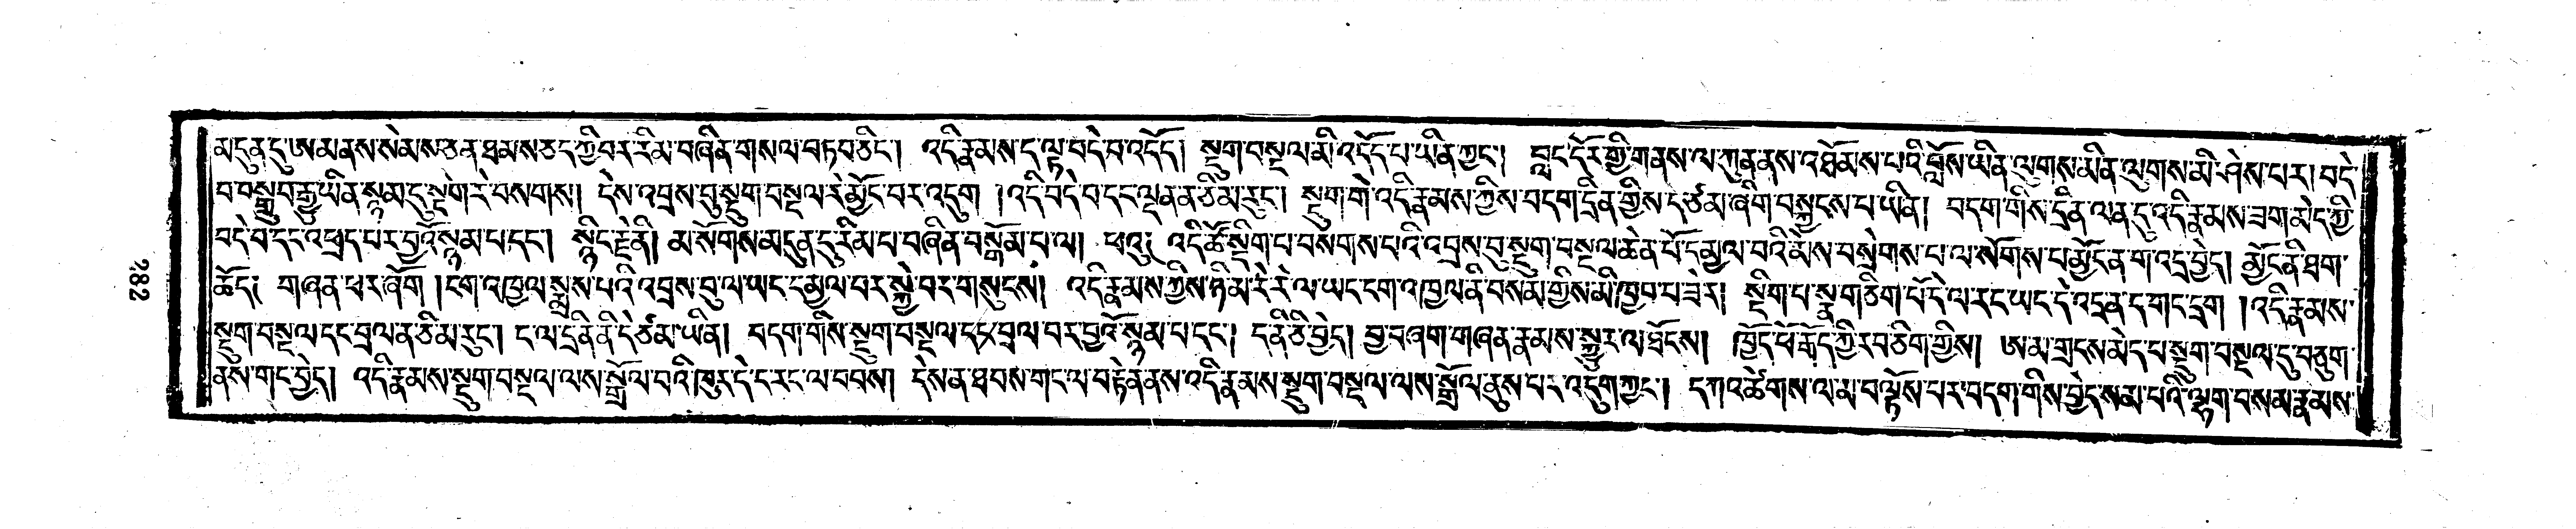མདུན་དུ་ཨམ་ནས་སེམས་ཅན་ཐམས་ཅད་ཀྱི་བར་རིམ་བཞིན་གསལ་བཏབ་ཅིང་། འདི་རྣམས་ད་ལྟ་བདེ་བ་འདོད། སྡུག་བསྔལ་མི་འདོད་པ་ཡིན་ཀྱང་། བླང་དོར་གྱི་གནས་ལ་ཀུན་ནས་འཐོམས་པའི་བློས་ཡིན་ལུགས་མིན་ལུགས་མི་ཤེས་པར། བདེ་
བ་བསྒྲུབ་རྒྱུ་ཡིན་སྙམ་དུ་སྡེག་རེ་བསགས། དེས་འབྲས་བུ་སྡུག་བསྔལ་རེ་མྱོང་བར་འདུག །འདི་བདེ་བ་དང་ལྡན་ན་ཅི་མ་རུང་། སྡུག་གེ་འདི་རྣམས་ཀྱིས་བདག་དྲིན་གྱིས་དེ་ཙམ་ཞིག་བསྐྱངས་པ་ཡིན། བདག་གིས་དྲིན་ལན་དུ་འདི་རྣམས་ཟག་མེད་ཀྱི་
བདེ་བ་དང་འཕྲད་པར་བྱའོ་སྙམ་པ་དང་། སྙིང་རྗེ་ནི། མ་སོགས་མདུན་དུ་རིམ་པ་བཞིན་བསྒོམ་པ་ལ། ཕའུ༑ འདི་ཚོ་སྡིག་པ་བསགས་པའི་འབྲས་བུ་སྡུག་བསྔལ་ཆེན་པོ་དམྱལ་བའི་མེས་བསྲེགས་པ་ལ་སོགས་པ་མྱོང་ན་ག་འདྲ་བྱེད། མྱོང་ནི་ཐག་
ཆོད༑ གཞན་ཕར་ཞོག །ངག་འཁྱལ་སྨྲས་པའི་འབྲས་བུ་ལ་ཡང་དམྱལ་བར་སྐྱེ་བར་གསུངས། འདི་རྣམས་ཀྱིས་ཉི་མ་རེ་རེ་ལ་ཡང་དག་འཁྱལ་ནི་བསམ་གྱིས་མི་ཁྱབ་པ་ཟེར། སྡིག་པ་སྣ་གཅིག་པོ་དེ་ལ་རང་ཡང་དེ་འདྲན་ད་གང་དྲག །འདི་རྣམས་
སྡུག་བསྔལ་དང་བྲལ་ན་ཅི་མ་རུང་། ང་ལ་དྲིན་ནི་དེ་ཙམ་ཡིན། བདག་གིས་སྡུག་བསྔལ་དང་བྲལ་བར་བྱའོ་སྙམ་པ་དང་། ད་ནི་ཅི་བྱེད། བྱ་བཞག་གཞན་རྣམས་སྐྱུར་ལ་ཐོངས། ཁྱོད་ཕོ་རྒོད་ཀྱི་རབ་ཅིག་གྱིས། ཨ་མ་གྲངས་མེད་པ་སྡུག་བསྔལ་དུ་བཅུག་
ནས་གང་བྱེད། འདི་རྣམས་སྡུག་བསྔལ་ལས་སྒྲོལ་བའི་ཁུར་དེ་ང་རང་ལ་བབས། དེས་ན་ཐབས་གང་ལ་བརྟེན་ནས་འདི་རྣམས་ཨསྡུག་བསྔལ་ལས་སྒྲོལ་ནུས་པར་འདུག་ཀྱང་། དཀའ་ཚེགས་ལམ་བལྟོས་པར་བདག་གིས་བྱེད་སམ་པའི་ལྷག་བསམ་རྣམས་